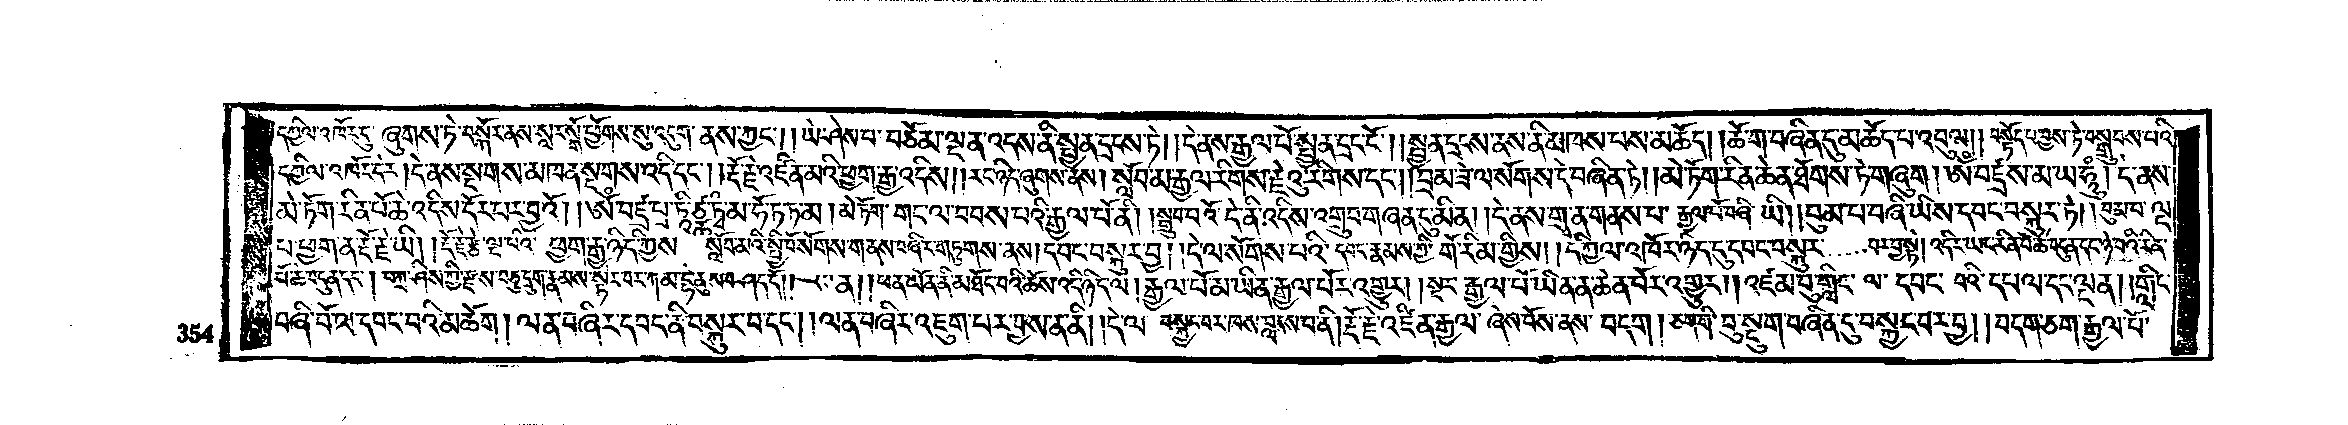དཀྱིལ་འཁོར་དུ་ཞུགས་ཏེ་བསྐོར་ནས་སླར་སྒོ་ཕྱོགས་སུ་འདུག་ནས་ཀྱང་། །ཡེ་ཤེས་པ་བཅོམ་ལྡན་འདས་ནི་སྤྱན་དྲངས་ཏེ། །དེ་ནས་རྒྱལ་པོ་སྤྱན་དྲང་ངོ། །སྤྱན་དྲངས་ནས་ནི་མཁས་པས་མཆོད། །ཆོ་ག་བཞིན་དུ་མཆོད་པ་འབུལ། །བསྟོད་པ་བྱས་ཏེ་བསྒྲུབས་པའི་
དཀྱིལ་འཁོར་དེར། དེ་ནས་སྔགས་མཁན་སྔགས་འདི་དང་། །རྡོ་རྗེ་འཛིན་མའི་ཕྱག་རྒྱ་འདིས། །རང་ཉིད་ཞུགས་ནས།  སློབ་མ་རྒྱལ་རིགས་རྗེའུ་རིགས་དང་། །བྲམ་ཟེ་ལ་སོགས་དེ་བཞིན་ཏེ། །མེ་ཏོག་རིན་ཆེན་ཐོགས་ཏེ་གཞུག །ཨོཾ་བཛྲ་ས་མ་ཡ་ཧཱུཾ། དེ་ནས་
མེ་ཏོག་རིན་པོ་ཆེ་འདིས་དོར་པར་བྱའོ། །ཨོཾ་བཛྲ་པྲ་ཏཱི་ཙྪ་ཏྭཾ་མ་ཧོ་ཏ་ཏ་མ། མེ་ཏོག་གང་ལ་བབས་པའི་རྒྱལ་པོ་ནི། སྒྲུབ་པའོ་དེ་ནི་འདིས་འགྲུབ་གཞན་དུ་མིན། །དེ་ནས་གྲྭ་ན་གནས་པ་རྒྱལ་པོ་བཞི་ཡི། །བུམ་པ་བཞི་ཡིས་དབང་བསྐུར་ཏེ། ། བུམ་པ་ལྔ་
པ་ཕྱག་ན་རྡོ་རྗེ་ཡི། ། རྡོ་རྗེ་རྩེ་ལྔ་པའི་ཕྱག་རྒྱ་ཉིད་ཀྱིས་སློབ་མའི་སྤྱི་བོ་སོགས་གནས་པ་ཞིར་གཏུགས་ནས།  དབང་བསྐུར་བྱ། །དེ་ལ་སོགས་པའི་དབང་རྣམས་ཀྱི་གོ་རིམ་གྱིས། །དཀྱིལ་འཁོར་ཉིད་དུ་དབང་བསྐུར་བར་བྱ་སྟེ། འདིར་ཡང་རིན་པོ་ཆེ་བདུན་དང་ཉེ་བའི་རིན་
པོ་ཆེ་བདུན་དང་། བཀྲ་ཤིས་ཀྱི་རྫས་བཅུ་དྲུག་རྣམས་སྟེར་བར་ཀ་མ་དྷེ་ནུས་བཤད་དོ།། .H ན། །ཕན་ཡོན་ནི་མཐོང་བའི་ཆོས་འདི་ཉིད་ལ།  རྒྱལ་པོ་མ་ཡིན་རྒྱལ་པོར་འགྱུར། སྔར་རྒྱལ་པོ་ཡིན་ན་ཆེན་པོར་འགྱུར། །འཛམ་བུ་གླིང་ལ་དབང་བའི་དཔལ་དང་ལྡན། །གླིང་
བཞི་པོ་ལ་དབང་བའི་མཆོག །ལན་བཞིར་དབང་ནི་བསྐུར་བ་དང་། །ལན་བཞིར་འཇུག་པར་བྱས་ན་ནི། །དེ་ལ་བསྐྱང་བར་ཁས་བླངས་པ་ནི།  རྡོ་རྗེ་འཛིན་རྒྱལ་ཞེས་བོས་ནས་བདག ། ཅག་གི་བུ་སྡུག་བཞིན་དུ་བསྐྱང་བར་བྱ། །བདག་ཅག་རྒྱལ་པོ་